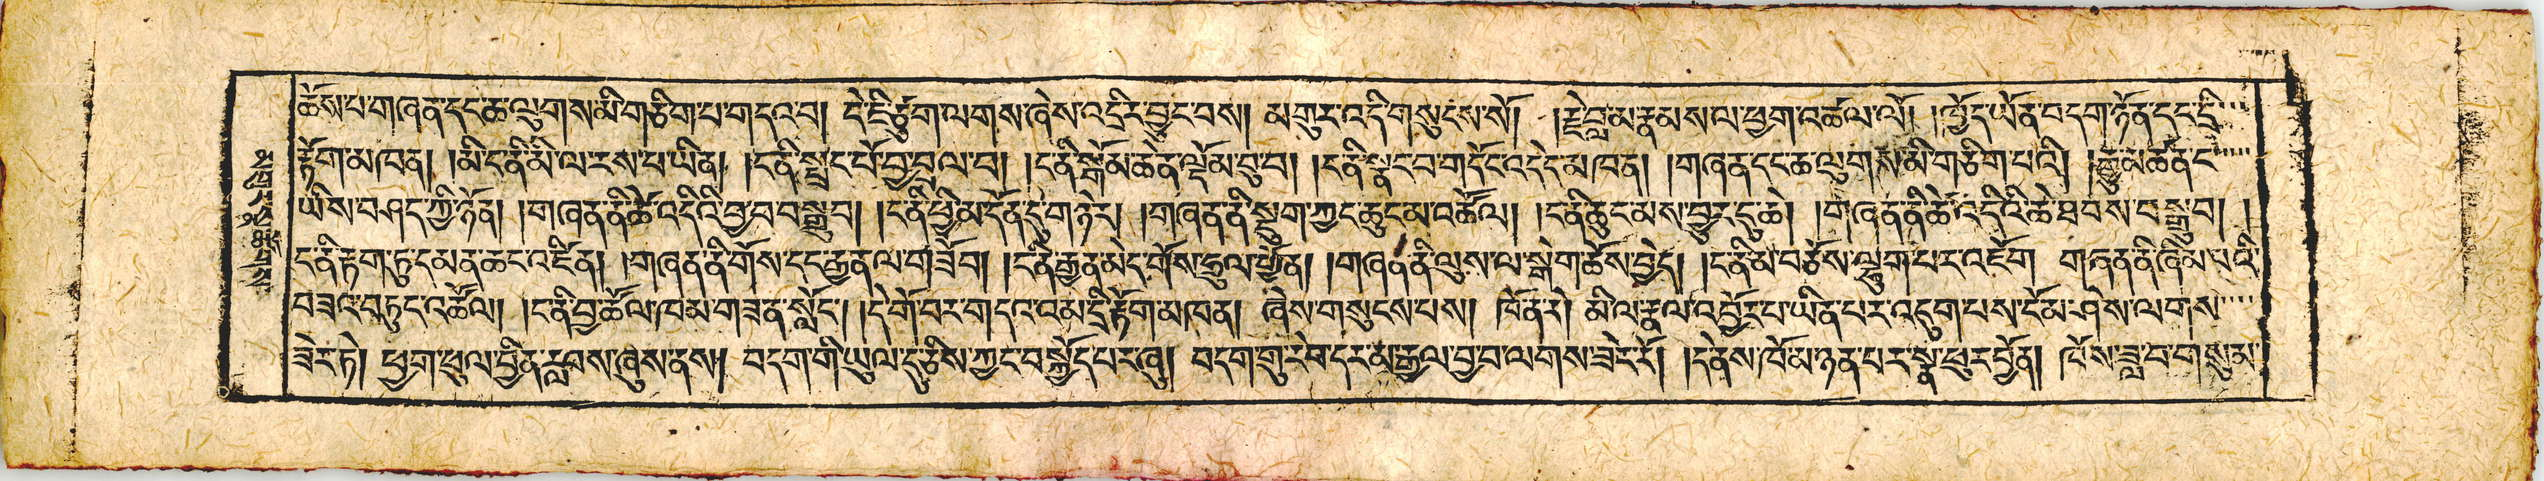ཆོས་པ་གཞན་དང་ཆ་ལུགས་མི་གཅིག་པ་གདའ་བ། དེ་ཇི་ཙུག་ལགས་ཞེས་འདྲིར་བྱུང་བས། མགུར་འདི་གསུངས་སོ། །རྗེ་བླ་མ་རྣམས་ལ་ཕྱག་འཚལ་ལོ། །ཁྱོད་ཡོན་བདག་ཉོན་དང་དྲི་
རྟོག་མཁན། །མི་ང་ནི་མི་ལ་རས་པ་ཡིན། །ང་ནི་སྤྲང་པོ་བྱ་བྲལ་བ། །ང་ནི་སྒོམ་ཆེན་ལྡོམ་བུ་བ། །ང་ནི་སྣང་བ་གདོང་འདེད་མཁན། །གཞན་དང་ཆ་ལུགས་མི་གཅིག་པའི། །རྒྱུ་མཚན་ང་
ཡིས་བཤད་ཀྱི་ཉོན། །གཞན་ནི་ཚེ་འདིའི་བྱ་བ་བསྒྲུབ། །ང་ནི་ཕྱི་མ་དོན་དུ་གཉེར། །གཞན་ནི་སྡུག་ཀྱང་ཆུང་མ་འཚོལ། །ང་ནི་ཆུང་མས་བྱུར་དུ་ཆེ། །གཞན་ནི་ཚེ་འདིའི་ཆེ་ཐབས་བསྒྲུབ། །
ང་ནི་རྟག་ཏུ་དམན་ཆ་འཛིན། །གཞན་ནི་གོས་དང་རྒྱན་ལ་གཟོབ། །ང་ནི་རྒྱན་མེད་གོས་ཧྲུལ་གྱོན། །གཞན་ནི་ལུས་ལ་སྒེག་ཆོས་བྱེད། །ང་ནི་མ་བཅོས་ལྷུག་པར་འཇོག གཞན་ནི་ཞིམ་པའི་
བཟའ་བཏུང་འཚོལ། །ང་ནི་བྱ་ཚོལ་ཁམ་གཟན་སློང་། །དེ་གོ་བར་གདའ་འམ་དྲི་རྟོག་མཁན། ཞེས་གསུངས་པས། ཁོ་ན་རེ། མི་ལ་རྣལ་འབྱོར་པ་ཡིན་པར་འདུག་པས་ངོ་མ་ཤེས་ལགས་
ཟེར་ཏེ། ཕྱག་ཕུལ་བྱིན་རླབས་ཞུས་ནས། བདག་གི་ཡུལ་དུ་ཅིས་ཀྱང་བསྐྱོད་པར་ཞུ། བདག་གུ་རེབ་དར་མ་རྒྱལ་བྱ་བ་ལགས་ཟེར་རོ། །དེ་ནས་ཁོ་མ་ཉན་པར་སྣ་ཕུར་བྱོན། ཁོས་ཟླ་བ་གསུམ་